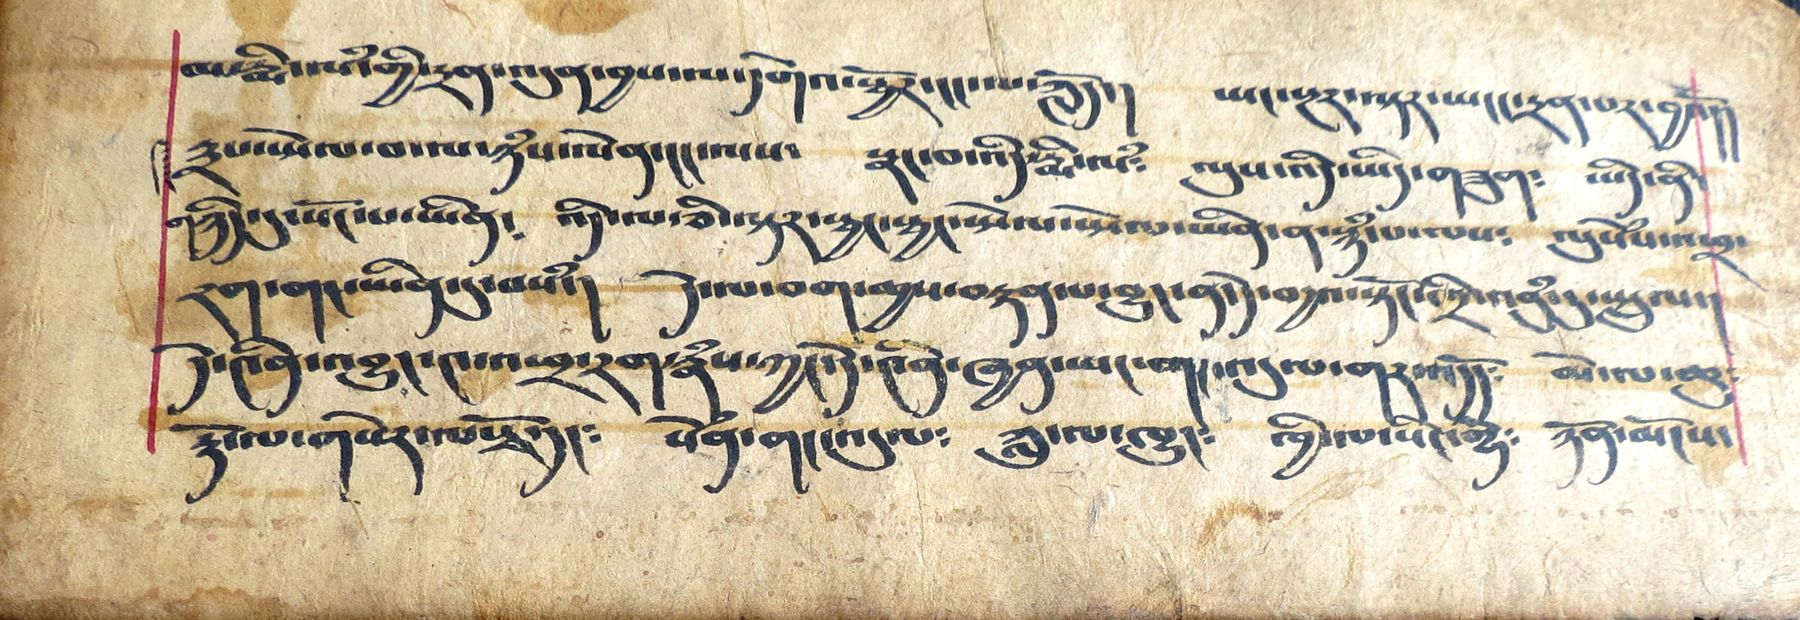མ་རྨི་ལམ་གྱི་དྲན་འདུན་བྱས་ལ་དགེ་སྦྱོར་ངང་ལ་གློད། ཡང་སྔར་ལྟར་ཡང་ཡང་དྲན་པར་བྱའོ། ། 
གསུམ་པ་སྤེལ་བ་ལ། ཉམས་ལེན་ངང་ལ། སྣང་བ་འདི་རྨི་ལམ། ལུས་འདི་ཡིད་གཟུགས། ཡིད་ནི་
གཉིད་དུ་སོང་བ་ཡིན། འདི་ལ་ཇི་ལྟར་སྦྱངས་སྦྱངས་སྤྲེལ་སྤེལ་ཡིན་སྙམ་པ་ལས། ལུས་སེམས་ཕྲ་
རགས་གང་ཡིན་དུ་བསམ། དེ་ལ་བག་ཆགས་བརྟན་པ་བྱུང་ན། དེ་བརྒྱ་སྟོང་ཁྲི་འབུམ་དུ་སྤྲུལ། 
དེ་བཞིན་འབྱུང་བཞི་ཕྲ་རགས་རྣམས་ཀྱང་དེ་བཞིན། གཞན་ཡང་གང་འདུལ་གང་འདོད། མེ་ལ་ཆུ། 
རྡོ་ལ་གསེར་ལ་སོགས། སེམས་ཅན་གང་འདུལ། ཀླུ་ལ་ཁྱུང་། ཁྱི་ལ་སེང་གེ། ཉོན་མོངས་